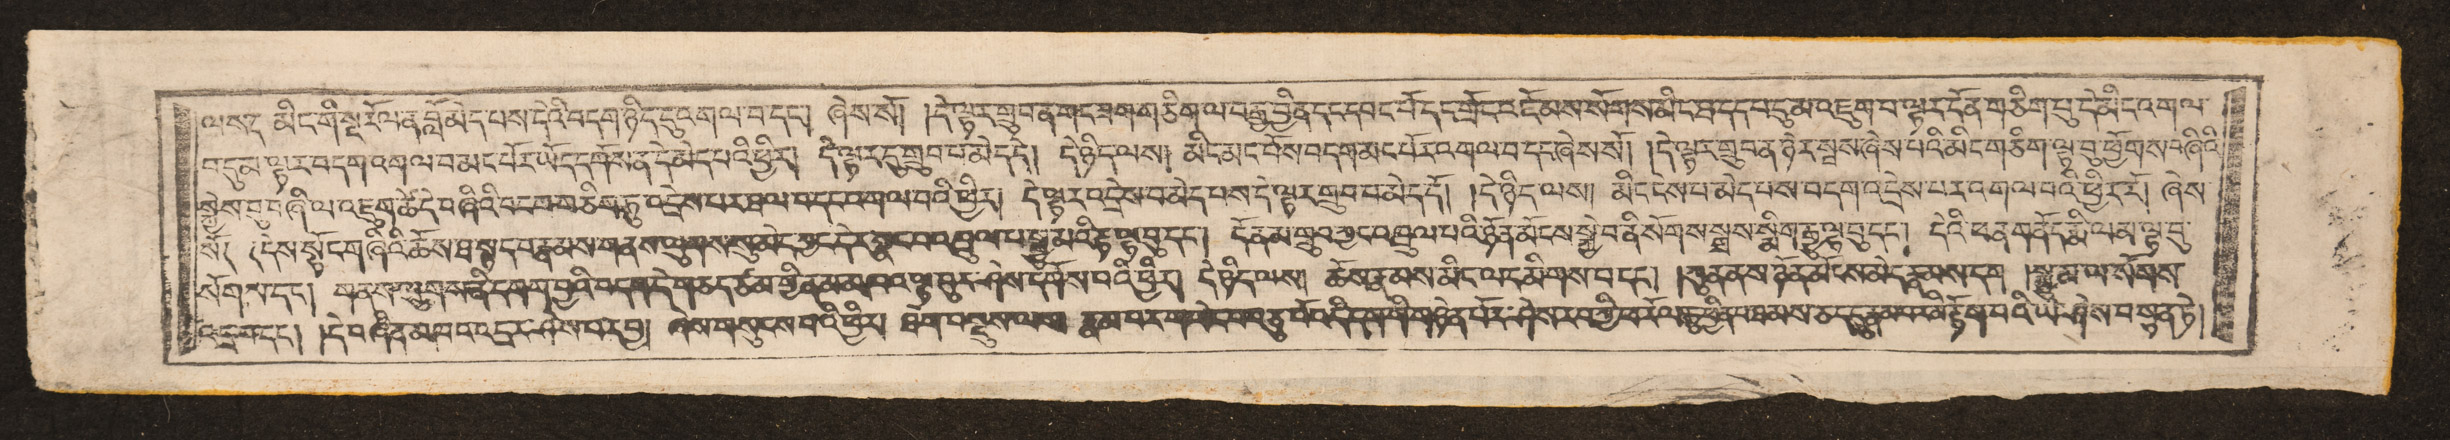ལས༑ མིང་གི་སྔ་རོལ་ན་བློ་མེད་པས་དེའི་བདག་ཉིད་དུ་འགལ་བ་དང་། ཞེས་སོ། །དེ་ལྟར་གྲུབ་ན་གང་ཟག་གཅིག་ལ་བརྒྱ་བྱིན་དང་དབང་པོ་དང་གྲོང་འཇོམས་སོགས་མིང་ཐ་དད་པ་དུ་མ་འཇུག་པ་ལྟར་དོན་གཅིག་པུ་དེ་མིང་འགལ་
བ་དུ་མ་ལྟར་བདག་འགལ་བ་མང་པོར་ཡོད་དགོས་ན་དེ་མེད་པའི་ཕྱིར། དེ་ལྟར་དུ་གྲུབ་པ་མེད་དེ། དེ་ཉིད་ལས། མིང་མང་པོས་བདག་མང་པོར་འགལ་བ་དང་ཞེས་སོ། །དེ་ལྟར་གྲུབ་ན་ཉེར་སྦས་ཞེས་པའི་མིང་གཅིག་ལྟ་བུ་ཕྱོགས་བཞིའི་
སྐྱེས་བུ་བཞི་ལ་འཇུག་ཚེ་དེ་བཞིའི་བདག་གཅིག་ཏུ་འདྲེས་པར་ཐལ་བ་དང་འགལ་པའི་ཕྱིར། དེ་ལྟར་འདྲེས་པ་མེད་པས་དེ་ལྟར་གྲུབ་པ་མེད་དོ། །དེ་ཉིད་ལས། མིང་ངེས་པ་མེད་པས་བདག་འདྲེས་པར་འགལ་བའི་ཕྱིར་རོ། ཞེས་
སོ༑ ༑དེས་སྟོང་གཞིའི་ཆོས་ཐ་སྙད་པ་རྣམས་གནས་ལུགས་སུ་མེད་ཀྱང་དེར་སྣང་བ་འཁྲུལ་པ་སྒྱུ་མའི་རྟ་ལྟ་བུ་དང་། དོན་མ་གྲུབ་ཀྱང་འཁྲུལ་པའི་ཉོན་མོངས་སྐྱེ་བ་ནི་སོགས་སྒྲས་སྨིག་རྒྱུ་ལྟ་བུ་དང་། དེའི་ཕན་གནོད་རྨི་ལམ་ལྟ་བུ་
སོགས་དང་། གནས་ལུགས་ནི་དགག་བྱའི་བདག་དེ་གཅད་ཙམ་གྱི་ནམ་མཁའ་ལྟ་བུར་ཤེས་དགོས་པའི་ཕྱིར། དེ་ཉིད་ལས། ཆོས་རྣམས་མིང་ལ་དམིགས་པ་དང་། །ཀུན་ནས་ཉོན་མོངས་མེད་རྣམས་དག །སྒྱུ་མ་ལ་སོགས་
འདྲ་བ་དང་། དེ་བཞིན་མཁའ་འདྲར་ཤེས་པར་བྱ། ཞེས་གསུངས་པའི་ཕྱིར། ཐེག་བསྡུས་ལས། རྣམ་པར་གཡེང་བ་བཅུ་པོ་འདི་དག་གི་གཉེན་པོར་ཤེས་རབ་ཀྱི་ཕ་རོལ་ཏུ་ཕྱིན་པ་ཐམས་ཅད་དུ་རྣམ་པར་མི་རྟོག་པའི་ཡེ་ཤེས་བསྟན་ཏེ།